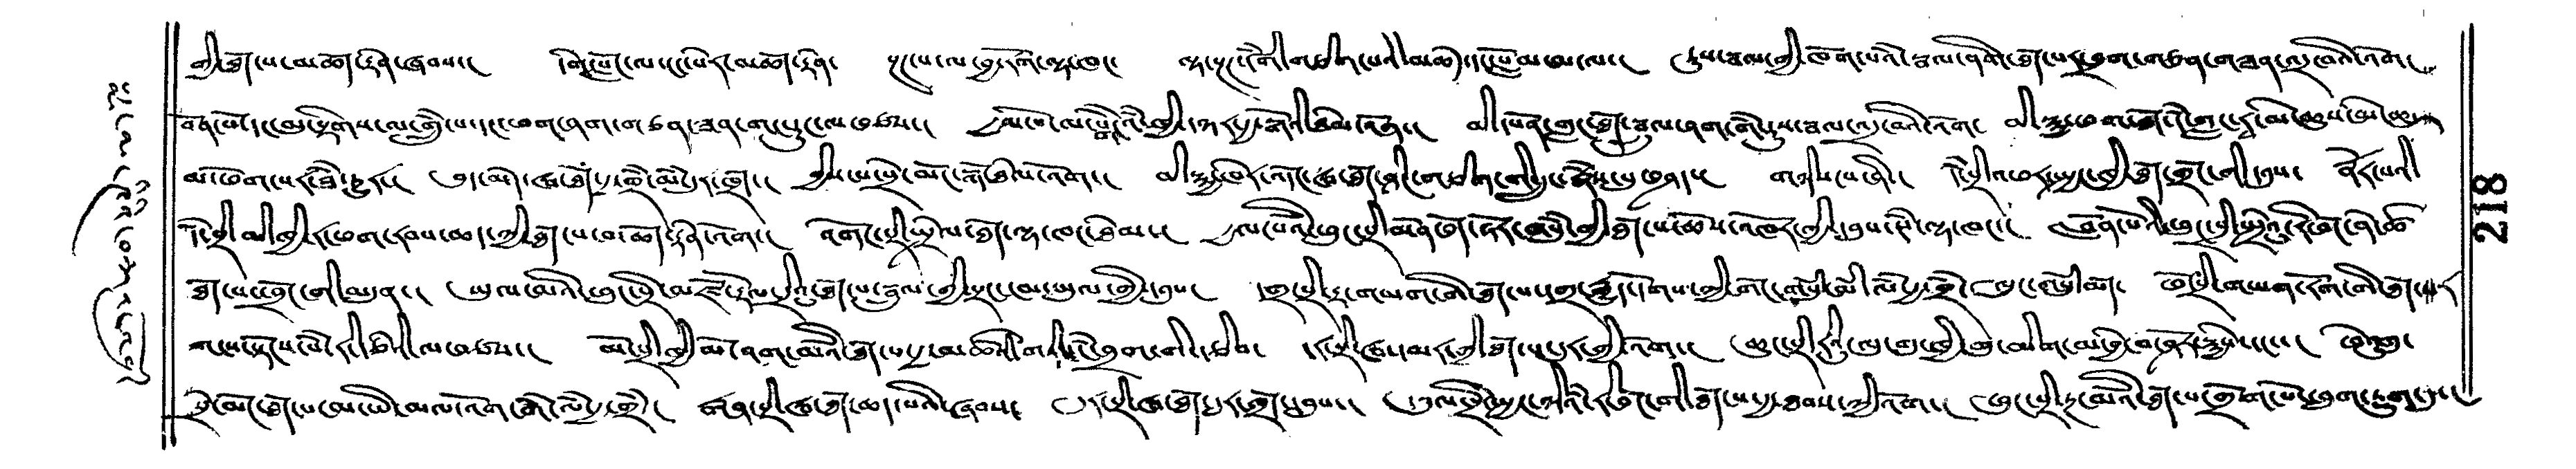གྱི་ཐོད་པ་མཆོད་རྟེན་ཞབས། དགེ་སློང་ལ་ངང་སེར་མཆོད་རྟེན། སྔགས་པ་ལ་བྱ་རོག་ལྷ་ཁང་། ལྷ་སྔགས་དམ་ཚིག་གཅིག་པའི་མཆེད་དང་སློབ་མ་ལ། རུས་སྦལ་གྱི་ཁོག་པའམ་སྦལ་ནག་གི་ཐོད་པར་བྲག་གཅན་གཟན་འདྲ་བའི་འོག 
བོན་པོ་དང་མུ་སྟེགས་ལ་གྲུམ་པ་དང་ཕག་ནག་གཅན་ཟན་གང་རུང་ལ་བཙས།རྒྱལ་པོ་ལ་སེངྒེའམ་ཁྱི་དཀར་རྒྱ་སྒོའི་ཐེམ་འོག མི་དཔོན་གླང་ཐོད་སྦྲུལ་ནག་གམ་རུས་སྦལ་འདྲ་བའི་འོག མི་སྐྱ་ཕག་ཐོད་དམ་གླང་རྭ་མེ་ཆུས་མེ་ཆུང་
མ་ཕོག་པར་ཟམ་འོག བུད་མེད་ཝ་ཐོད་རྒྱ་གྲམ་ལམ་དུར་ཁྲོད། བྱིས་པ་སྲེ་མོང་སྒོ་ཐེམ་འོག མི་སྐྱ་ཁེར་འདོང་ཝ་ཐོད་ཤིང་གཅིག་གི་དྲུང་རྣམས་སུ་བཤད། གཉིས་པ་ནི། དམ་སྲི་འཕར་སྤྱང་ཁྱི་ཐོད་གྲོང་གི་དབུས། རྣལ་འབྱོར་པའི་
དམ་སྲི་མི་ཁྱི་ར་ཕག་རབས་ཆད་ཀྱི་ཐོད་པ་མཆོད་རྟེན་འོག འགོང་སྲི་སྤྲེལ་ཐོད་ལྷ་ཁང་ཐེམ། རྒྱལ་པོའི་ཕུང་སྲི་མོན་བོད་ཧོར་གསུམ་གྱི་ཐོད་པ་ཆོས་འཁོར་གྱི་དབུས་སམ་ལྷ་ཁང་། བློན་པོའི་ཕུང་སྲི་སྤྲེའུ་རི་བོང་ནེ་ཙོའི་
ཐོད་པ་ཕོ་བྲང་གི་མདུན། ཡུལ་མིའི་ཕུང་སྲི་མཛོ་རྟོལ་དྲེའུ་ཐོད་པ་སྦྲུལ་གྱི་སྲང་ངམ་ཡུལ་གྱི་དབུས། དགྲ་སྲི་རྟ་གཡག་གི་ཐོད་པ་དགྲ་རྒྱུད་དོགས་ཀྱི་གོང་གསུམ་མམ་ལམ་རྒྱ་གྲམ་ལུང་གསུམ་མདོ། ཕོ་སྲི་གཡག་རོག་གི་ཐོད་པར་
གངས་སྟོང་སམ་རི་རྩེའི་ལ་བཙས། མོ་སྲི་ཁྱི་མོ་ནག་མོའི་ཐོད་པ་རྒྱལ་མཚོའི་གཏིང་ངམ་བྲག་གི་རྩིབས། དར་སྲི་ཝ་དམར་གྱི་ཐོད་པ་དུར་གྱི་འོག ཆུང་སྲི་རིའུ་ལུ་གུ་ཁྱི་གུ་མིག་མ་བྱེ་བ་ཤོར་སྐྱེས་དང་། ཕེའུ་གུ་
སྲེ་མོང་ཐོད་པ་མ་ཡི་མལ་འོག་གམ་ལམ་རྒྱ་གྲམ། རྒན་སྲི་ཝ་ཐོད་ཆད་པའི་ཞབས། དུར་སྲི་ཝ་ཐོད་དུར་ཁྲོད་དབུས། དབུལ་སྲི་སྤྱང་ཀིའམ་རི་བོང་གི་ཐོད་པ་རྒྱ་ཐབ་ཀྱི་འོག ཕུང་སྲི་རྔ་མོའི་ཐོད་པ་གྲོག་པོ་ཕུག་རྡུག་དུ།